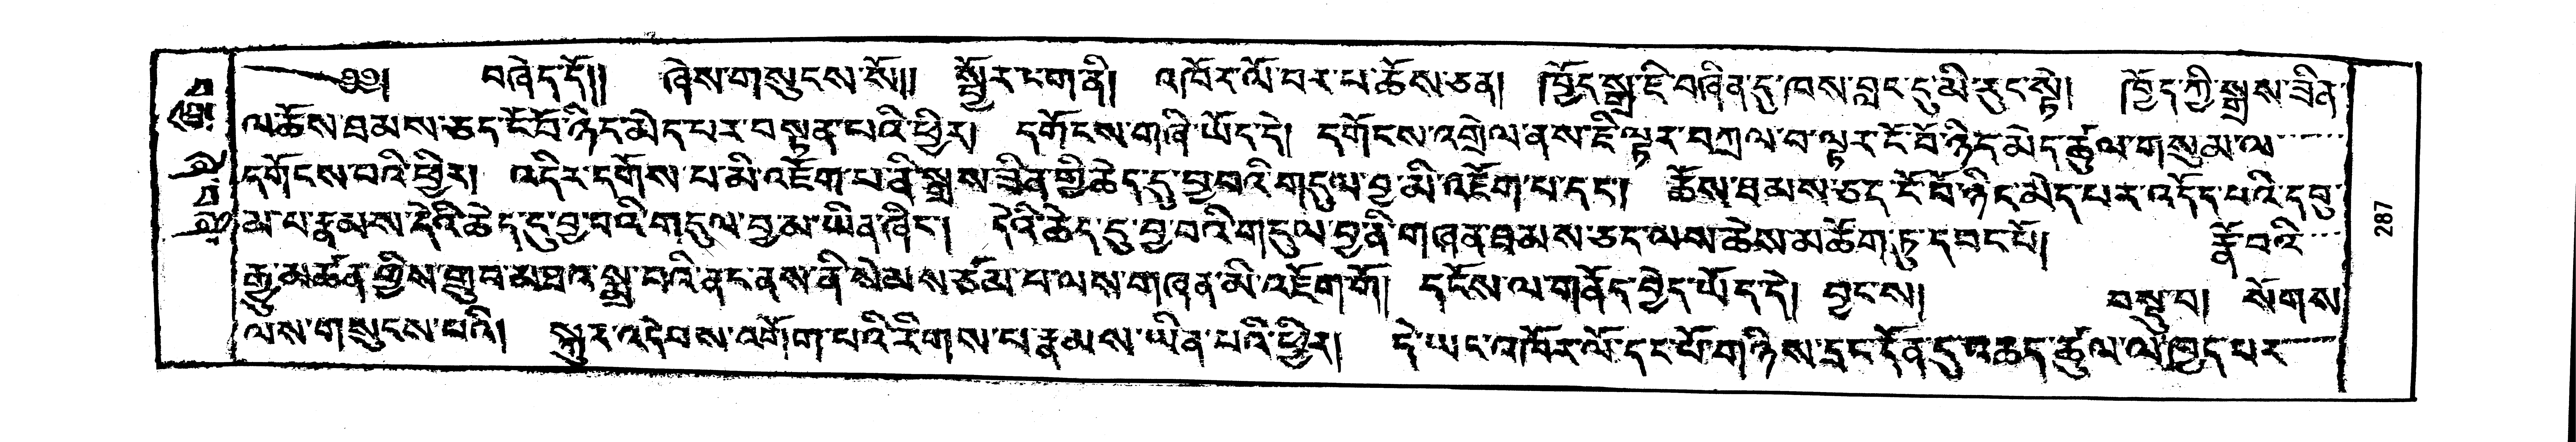༄༅། །བཞེད་དོ། །ཞེས་གསུངས་སོ། །སྦྱོར་ངག་ནི། འཁོར་ལོ་བར་པ་ཆོས་ཅན། ཁྱོད་སྒྲ་ཇི་བཞིན་དུ་ཁས་བླང་དུ་མི་རུང་སྟེ། ཁྱོད་ཀྱི་སྒྲས་ཟིན་
ལ་ཆོས་ཐམས་ཅད་ངོ་བོ་ཉིད་མེད་པར་བསྟན་པའི་ཕྱིར། དགོངས་གཞི་ཡོད་དེ། དགོངས་འགྲེལ་ནས་ཇི་ལྟར་བཀྲལ་བ་ལྟར་ངོ་བོ་ཉིད་མེད་ཚུལ་གསུམ་ལ་
དགོངས་པའི་ཕྱིར། འདིར་དགོས་པ་མི་འཇོག་པ་ནི་སྒྲས་ཟིན་གྱི་ཆེད་དུ་བྱ་བའི་གདུལ་བྱ་མི་འཇོག་པ་དང་། ཆོས་ཐམས་ཅད་ངོ་བོ་ཉིད་མེད་པར་འདོད་པའི་དབུ་
མ་པ་རྣམས་དེའི་ཆེད་དུ་བྱ་བའི་གདུལ་བྱ་མ་ཡིན་ཞིང་། དེའི་ཆེད་དུ་བྱ་བའི་གདུལ་བྱ་ནི་གཞན་ཐམས་ཅད་ལས་ཆེས་མཆོག་ཏུ་དབང་པོ། །རྣོ་བའི་
རྒྱུ་མཚན་གྱིས་གྲུབ་མཐའ་སྨྲ་བའི་ནང་ནས་ནི་སེམས་ཙམ་པ་ལས་གཞན་མི་འཇོག་གོ། དངོས་ལ་གནོད་བྱེད་ཡོད་དེ། བྱང་ས། བསྡུ་བ། སོགས་
ལས་གསུངས་པའི། སྐུར་འདེབས་འགོག་པའི་རིགས་པ་རྣམས་ཡིན་པའི་ཕྱིར། དེ་ཡང་འཁོར་ལོ་དང་པོ་གཉིས་དྲང་དོན་དུ་འཆད་ཚུལ་ལ་ཁྱད་པར་